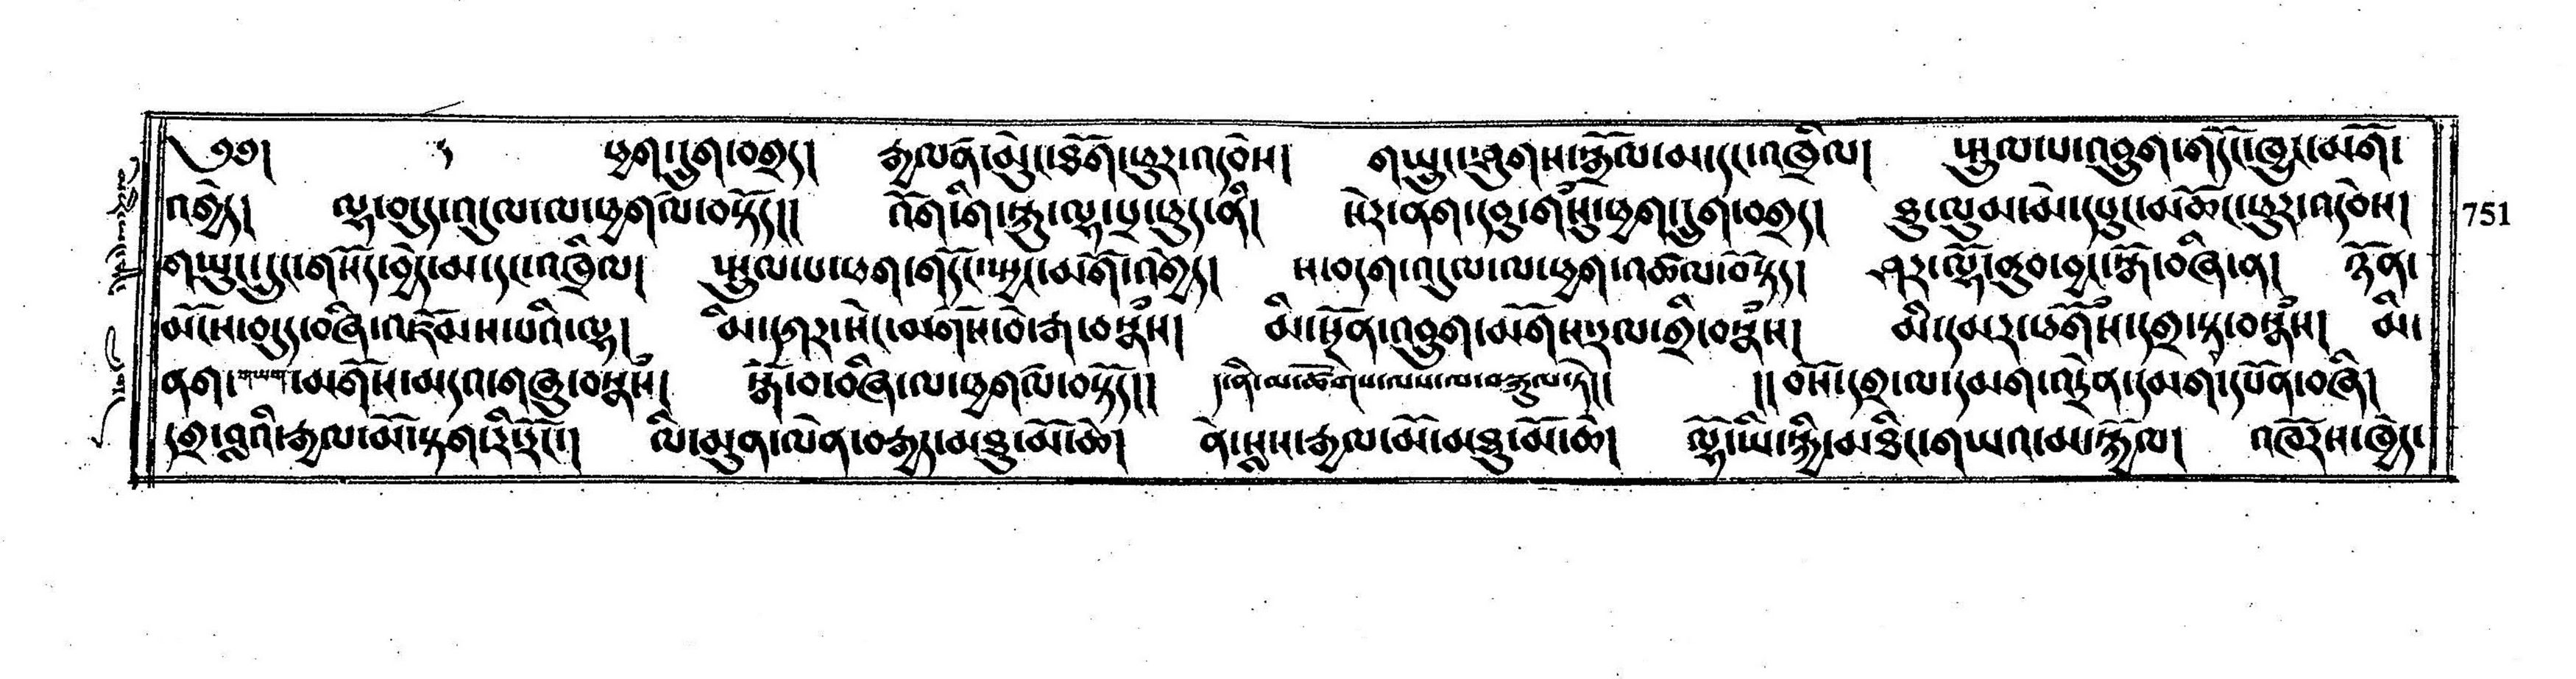ཕྱག་དྲུག་བགྲད། རྒྱལ་མཚན་མེ་དཔུང་ཐོག་ཕུར་འདེབས། གཡུང་དྲུང་ཤུགས་སྒྲོལ་མ་དང་འཁྲིལ། སྤྲུལ་པ་འབྲུག་གདོང་ཁྱུང་མགོ་
འགྱེད། ལྷ་བདུད་འདུལ་ལ་ཕྱག་འཚལ་བསྟོད།། འོག་གི་སྐུ་ལྷ་པྲ་ཕུད་ནི། སེར་ནག་དབུ་གསུམ་ཕྱག་དྲུག་བགྲད། ཐུ་ལུམ་མེ་དཔུང་མཆོང་ཕུར་འདེབས། 
གཡུང་དྲུང་གསོད་བྱེད་མ་དང་འཁྲིལ། སྤྲུལ་པ་ཕག་གདོང་སྤྱང་མགོ་འགྱེད། ས་བདག་འདུལ་ལ་ཕྱག་འཚལ་བསྟོད། ཤར་ལྷོ་ནུབ་བྱང་སྒོ་བཞི་ན། ཉོན་
མོངས་བདུད་བཞི་འཇོམས་པའི་ལྷ། མི་དཀར་སེང་མགོས་བེ་རྒ་བསྣམས། མི་སྔོན་འབྲུག་མགོས་རལ་གྲི་བསྣམས། མི་དམར་ཕག་མགོས་དགྲ་སྟྭ་བསྣམས། མི་
ནག་གཡག་མགོས་མདའ་གཞུ་བསྣམས། སྒོ་བ་བཞི་ལ་ཕྱག་འཚལ་བསྟོད།། ད་ནི་མ་ཚོགས་ལས་ལ་བསྐུལ་ཏེ།། །།བསྭོ་དགྲ་ལ་དམག་འདྲེན་དམག་དཔོན་བཞི། 
དགྲ་བླའི་རྒྱལ་མོ་སྟག་རི་རོང་། ལི་མུན་ལེན་བརྒྱད་མཐུ་མོ་ཆེ། ནེ་སླས་རྒྱལ་མོ་མཐུ་མོ་ཆེ། ལྷོ་ཡི་སྐྱི་མཐིང་གཡའ་མ་སྐྱོལ། འཁོར་བཅས་ཁྱེད་